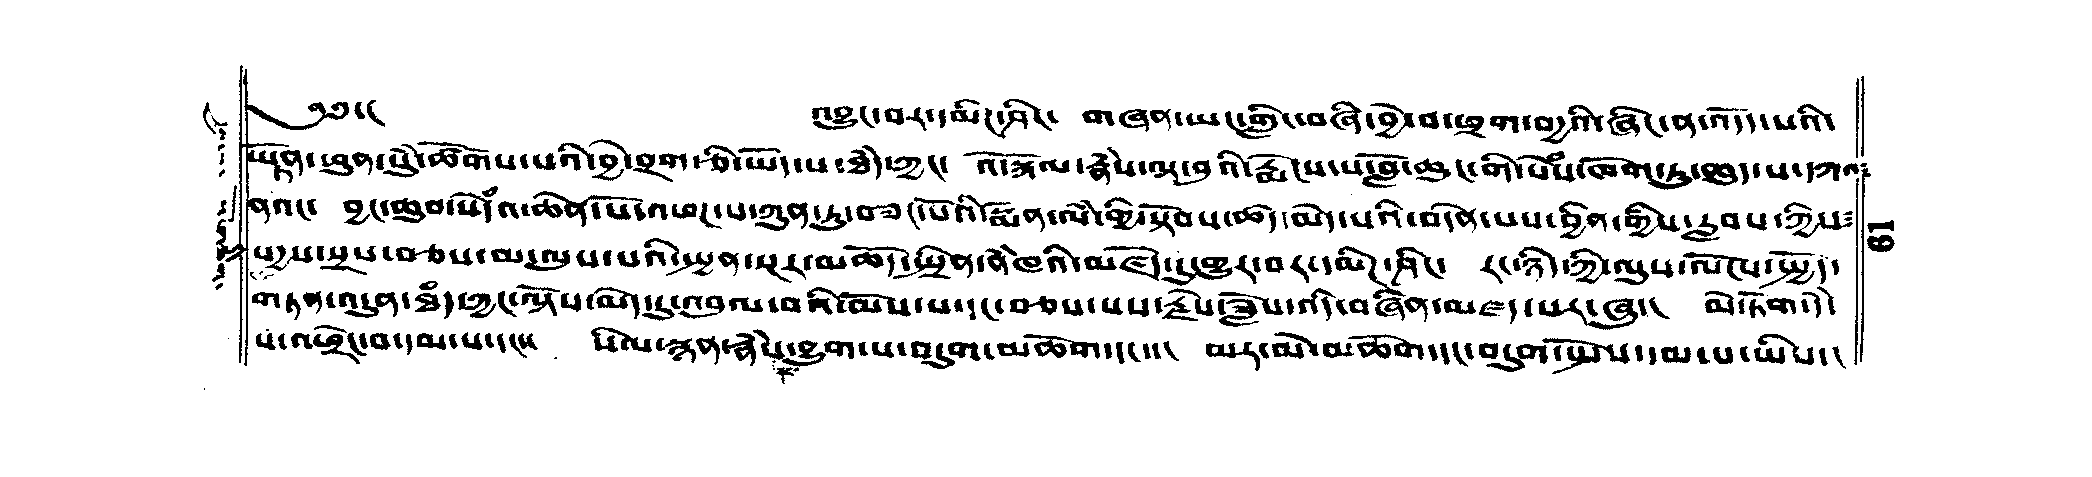འབྱུང་བར་དམིགས་ཤིང་། གཞན་ཡང་གླིང་བཞི་བྱེ་བ་ཕྲག་བརྒྱའི་ཞིང་ན་འདོད་པའི་
ཡོན་ཏན་ཕུན་སུམ་ཚོགས་པའི་བྱེ་བྲག་ཅི་ཡོད་པ་ཐམས་ཅད་ཀྱང་། འོ་སྐོ་རྣམས་ལྟ་བུའི་རྨོངས་པ་བློ་ཆུང་གི་སེམས་ཁོག་ཏུ་ཆུད་པ་དཀའ་
ནའང་། བྱང་ཆུབ་སེམས་དཔའ་ཆེན་པོ་འཕགས་པ་ཀུན་ཏུ་བཟང་པོའི་སྨོན་ལམ་གྱི་སྟོབས་ཚད་མེད་པའི་བདེན་པས་བྱིན་གྱིས་རླབས་ཀྱིས་
སངས་རྒྱས་སྲས་བཅས་མ་ལུས་པའི་སྤྱན་སྔར་མཆོད་སྤྲིན་ནམ་མཁའི་མཛོད་དུ་གྱུར་བར་དམིགས་ཤིང་། རང་ཉིད་ཀྱི་ལུས་ལོངས་སྤྱོད་
གཏན་འདུན་ཐམས་ཅད་ཀྱང་ལྟོས་མེད་དུ་འབུལ་བའི་མོས་པ་དང་བཅས་པས་རྗེས་ཟློས་འདི་བཞིན་མཛད་པར་ཞུ། མེ་ཏོག་དམ་
པ་འཕྲེང་བ་དམ་པ་དང་། སིལ་སྙན་རྣམས་དང་བྱུགས་པ་བདུག་མཆོག་དང་། མར་མེ་མཆོག་དང་བདུག་སྤོས་དམ་པ་ཡིས།